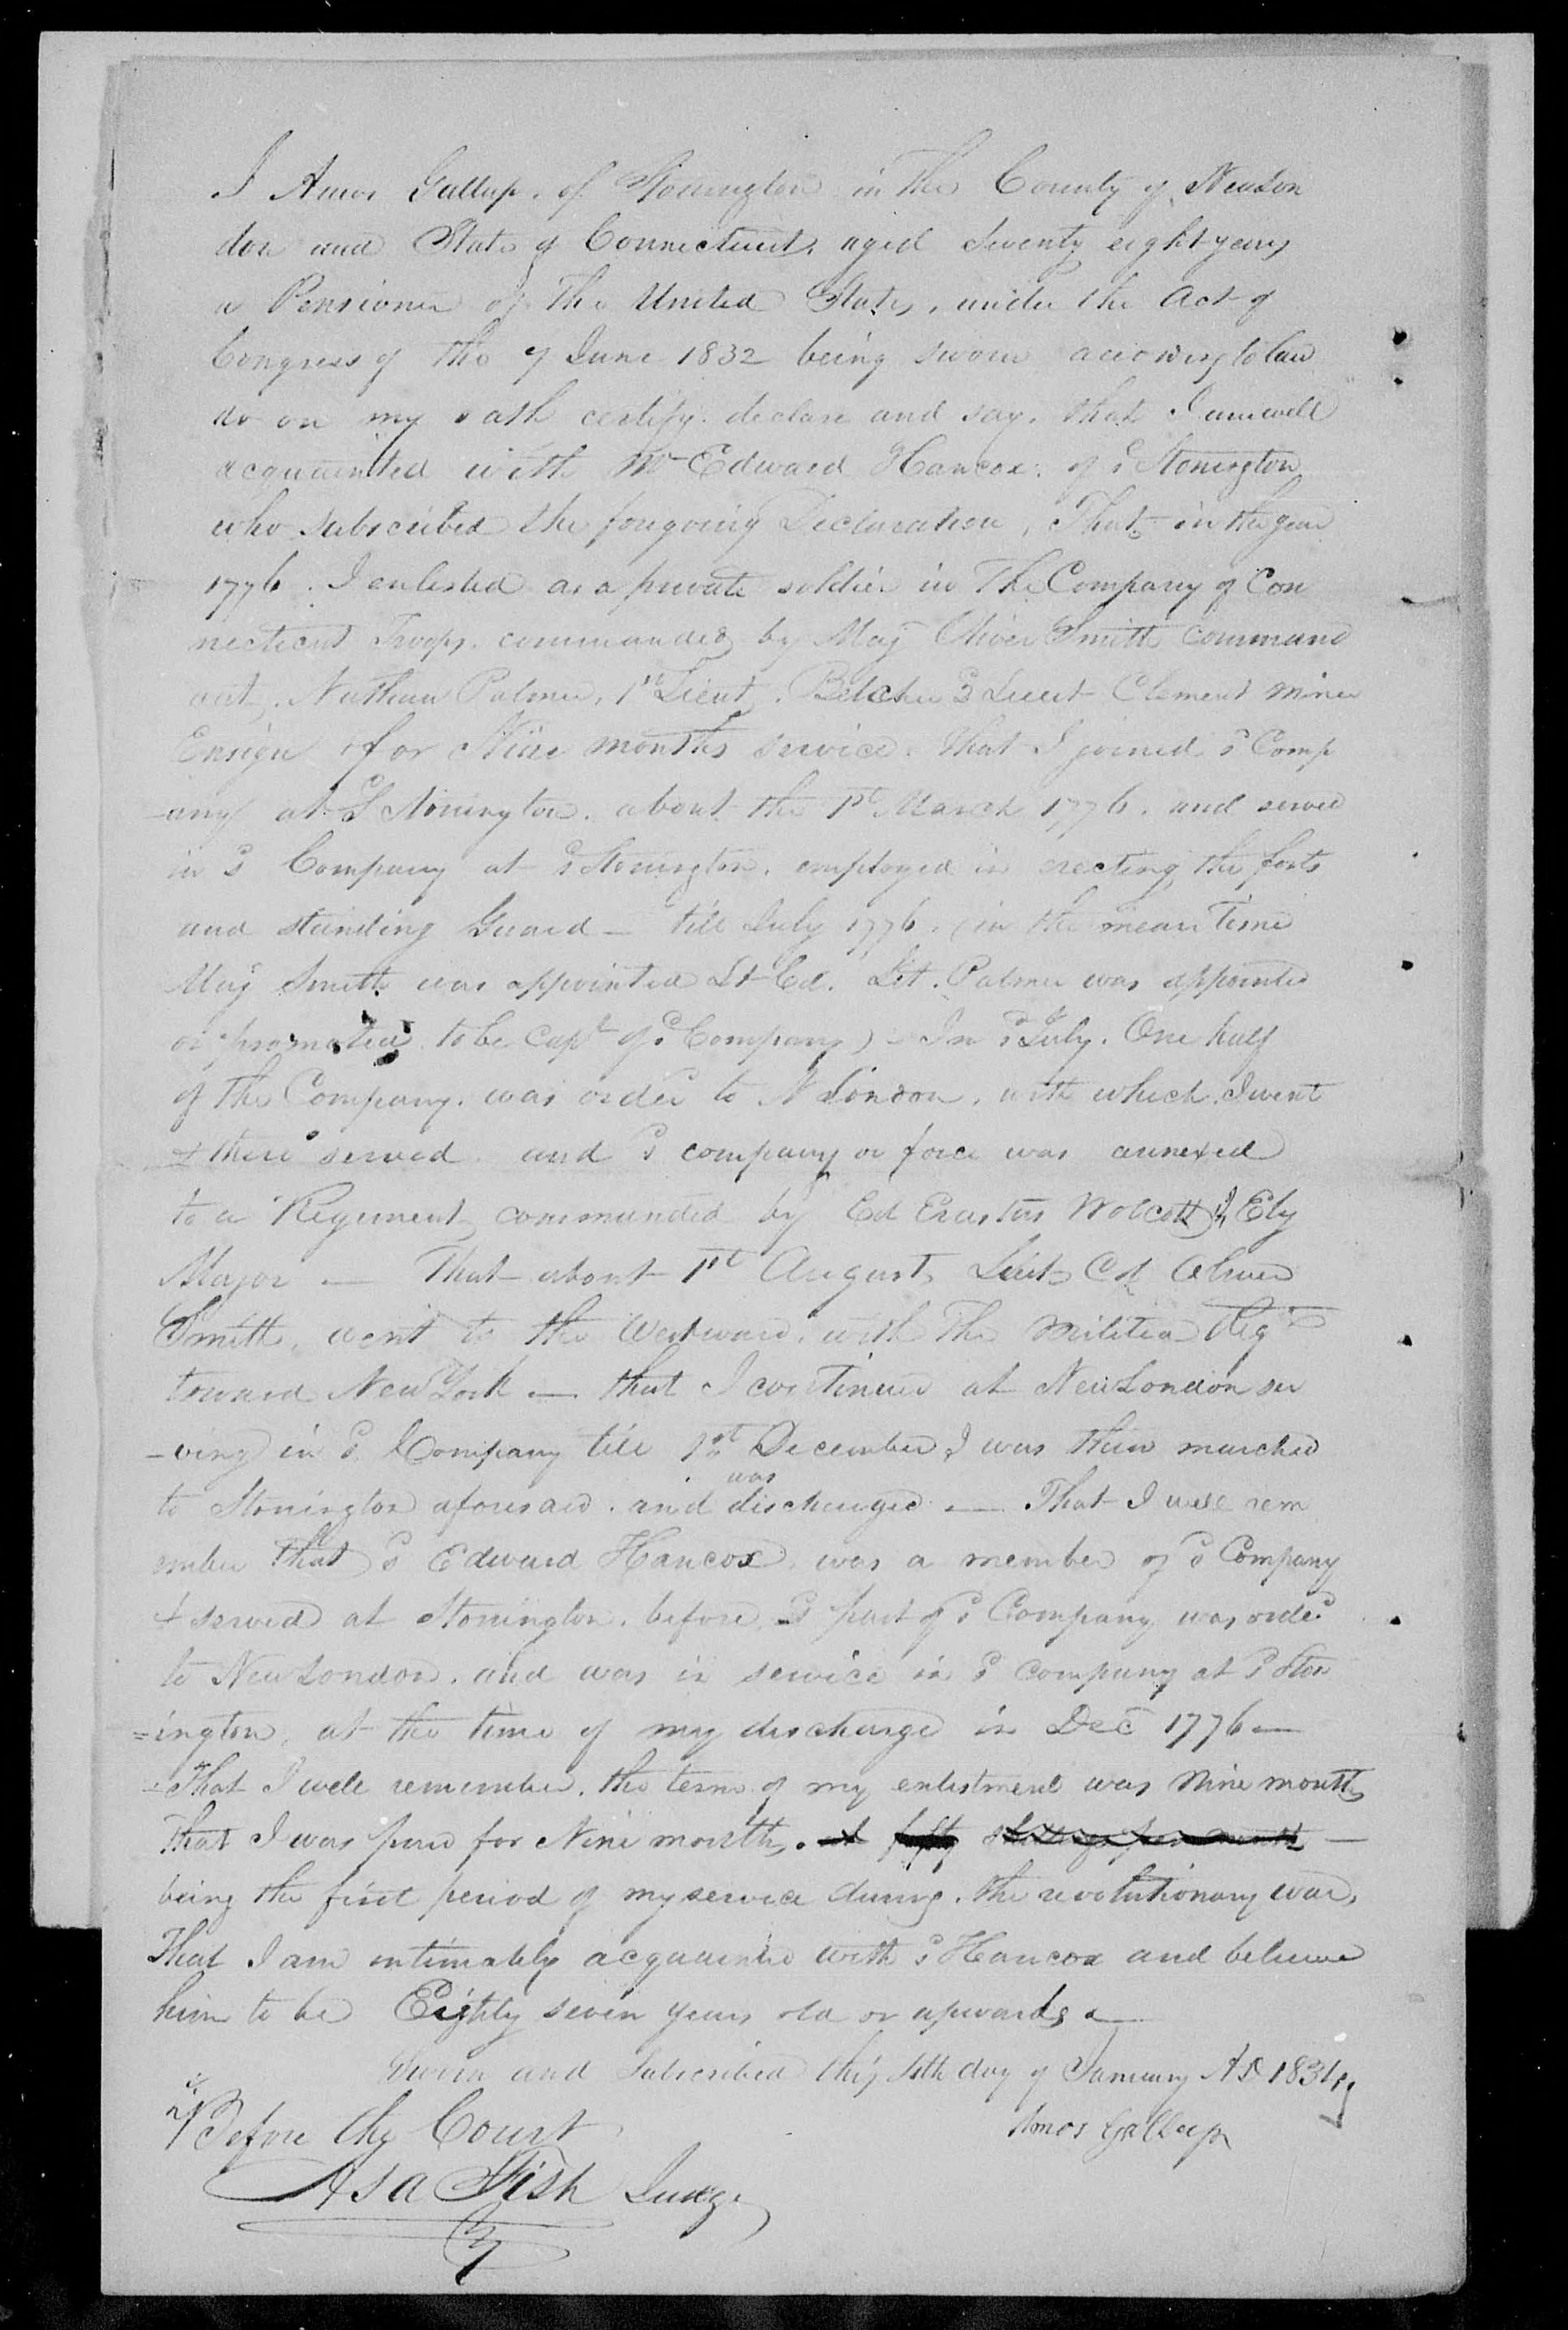I Amos Gallup of Covington in the County of New London and State of Connecticut, aged Seventy eight years a Pensioner of the United States, under the act of Congress of the of June 1832 being sworn according to law do on my oath certify declare and say, that I am well
acquainted with Mr Edward Hancox of Stonington who subscribed the foregoing Declaration. That in the year 1776 I enlisted as a private soldier in the Company of Connecticut troops, commanded by Maj Oliver Smith command [illegible] Nathan Palmer, 1st Lieut. Belcher, S. Lunt Clement Miner, ensign for Nine months service. That I joined sd. Comp
any at Stonington about the 1st March 1776, and served in sd Company at Stonington, employed in erecting the forts and standing Guard- till July 1776 in the mean time Maj. Smith was appointed at Lt. Col. Lt. Palmer was appointed
or promoted to be Capt of a Company-- In July. One half of the Company was order to N London, with which I went & there served, and sd. company or force was annexed to a Regiment commanded by Col.  Erastus Wolcott ,Ely
Major. That about 1st August Leut. Col. Oliver
Smith, went to the westward, with the militia regt. to toward New York. that I continued at New London serving in a Company till 1st December I was their marched to Stonington aforesaid and was discharged. That I well remember that sd Edward Hancox, was a member of sd. Company & served at Stonington, before sd. part of a Company was ordered
to New London, and was in service in sd Company at sd. Stonington, at the time of my discharge in Dec 1776-
That I well remember the term of my enlistment was nine months. That I was paid for Nine month. being the first period of my service during the revolutionary war. That I am intimately acquainted with sd Hancox and believe
him to be Eighty seven years old or upwards.
Amos Gallup

Sworn and subscribed this [illegible] th day of January AD 1834
Before the Court
Asa Fish Judge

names: Nathan Palmer, Oliver Smith, Clement Miner, Amos Gallup, Hancox, Erastus Wolcott, Oliver Smith, Amos Gallup, Asa Fish, Edward Hancox, Ely, Palmer, Smith, Edward Hancox, Belcher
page: 8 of 26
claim: survivor's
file: S. 16843, Edward Hancox, Conn.